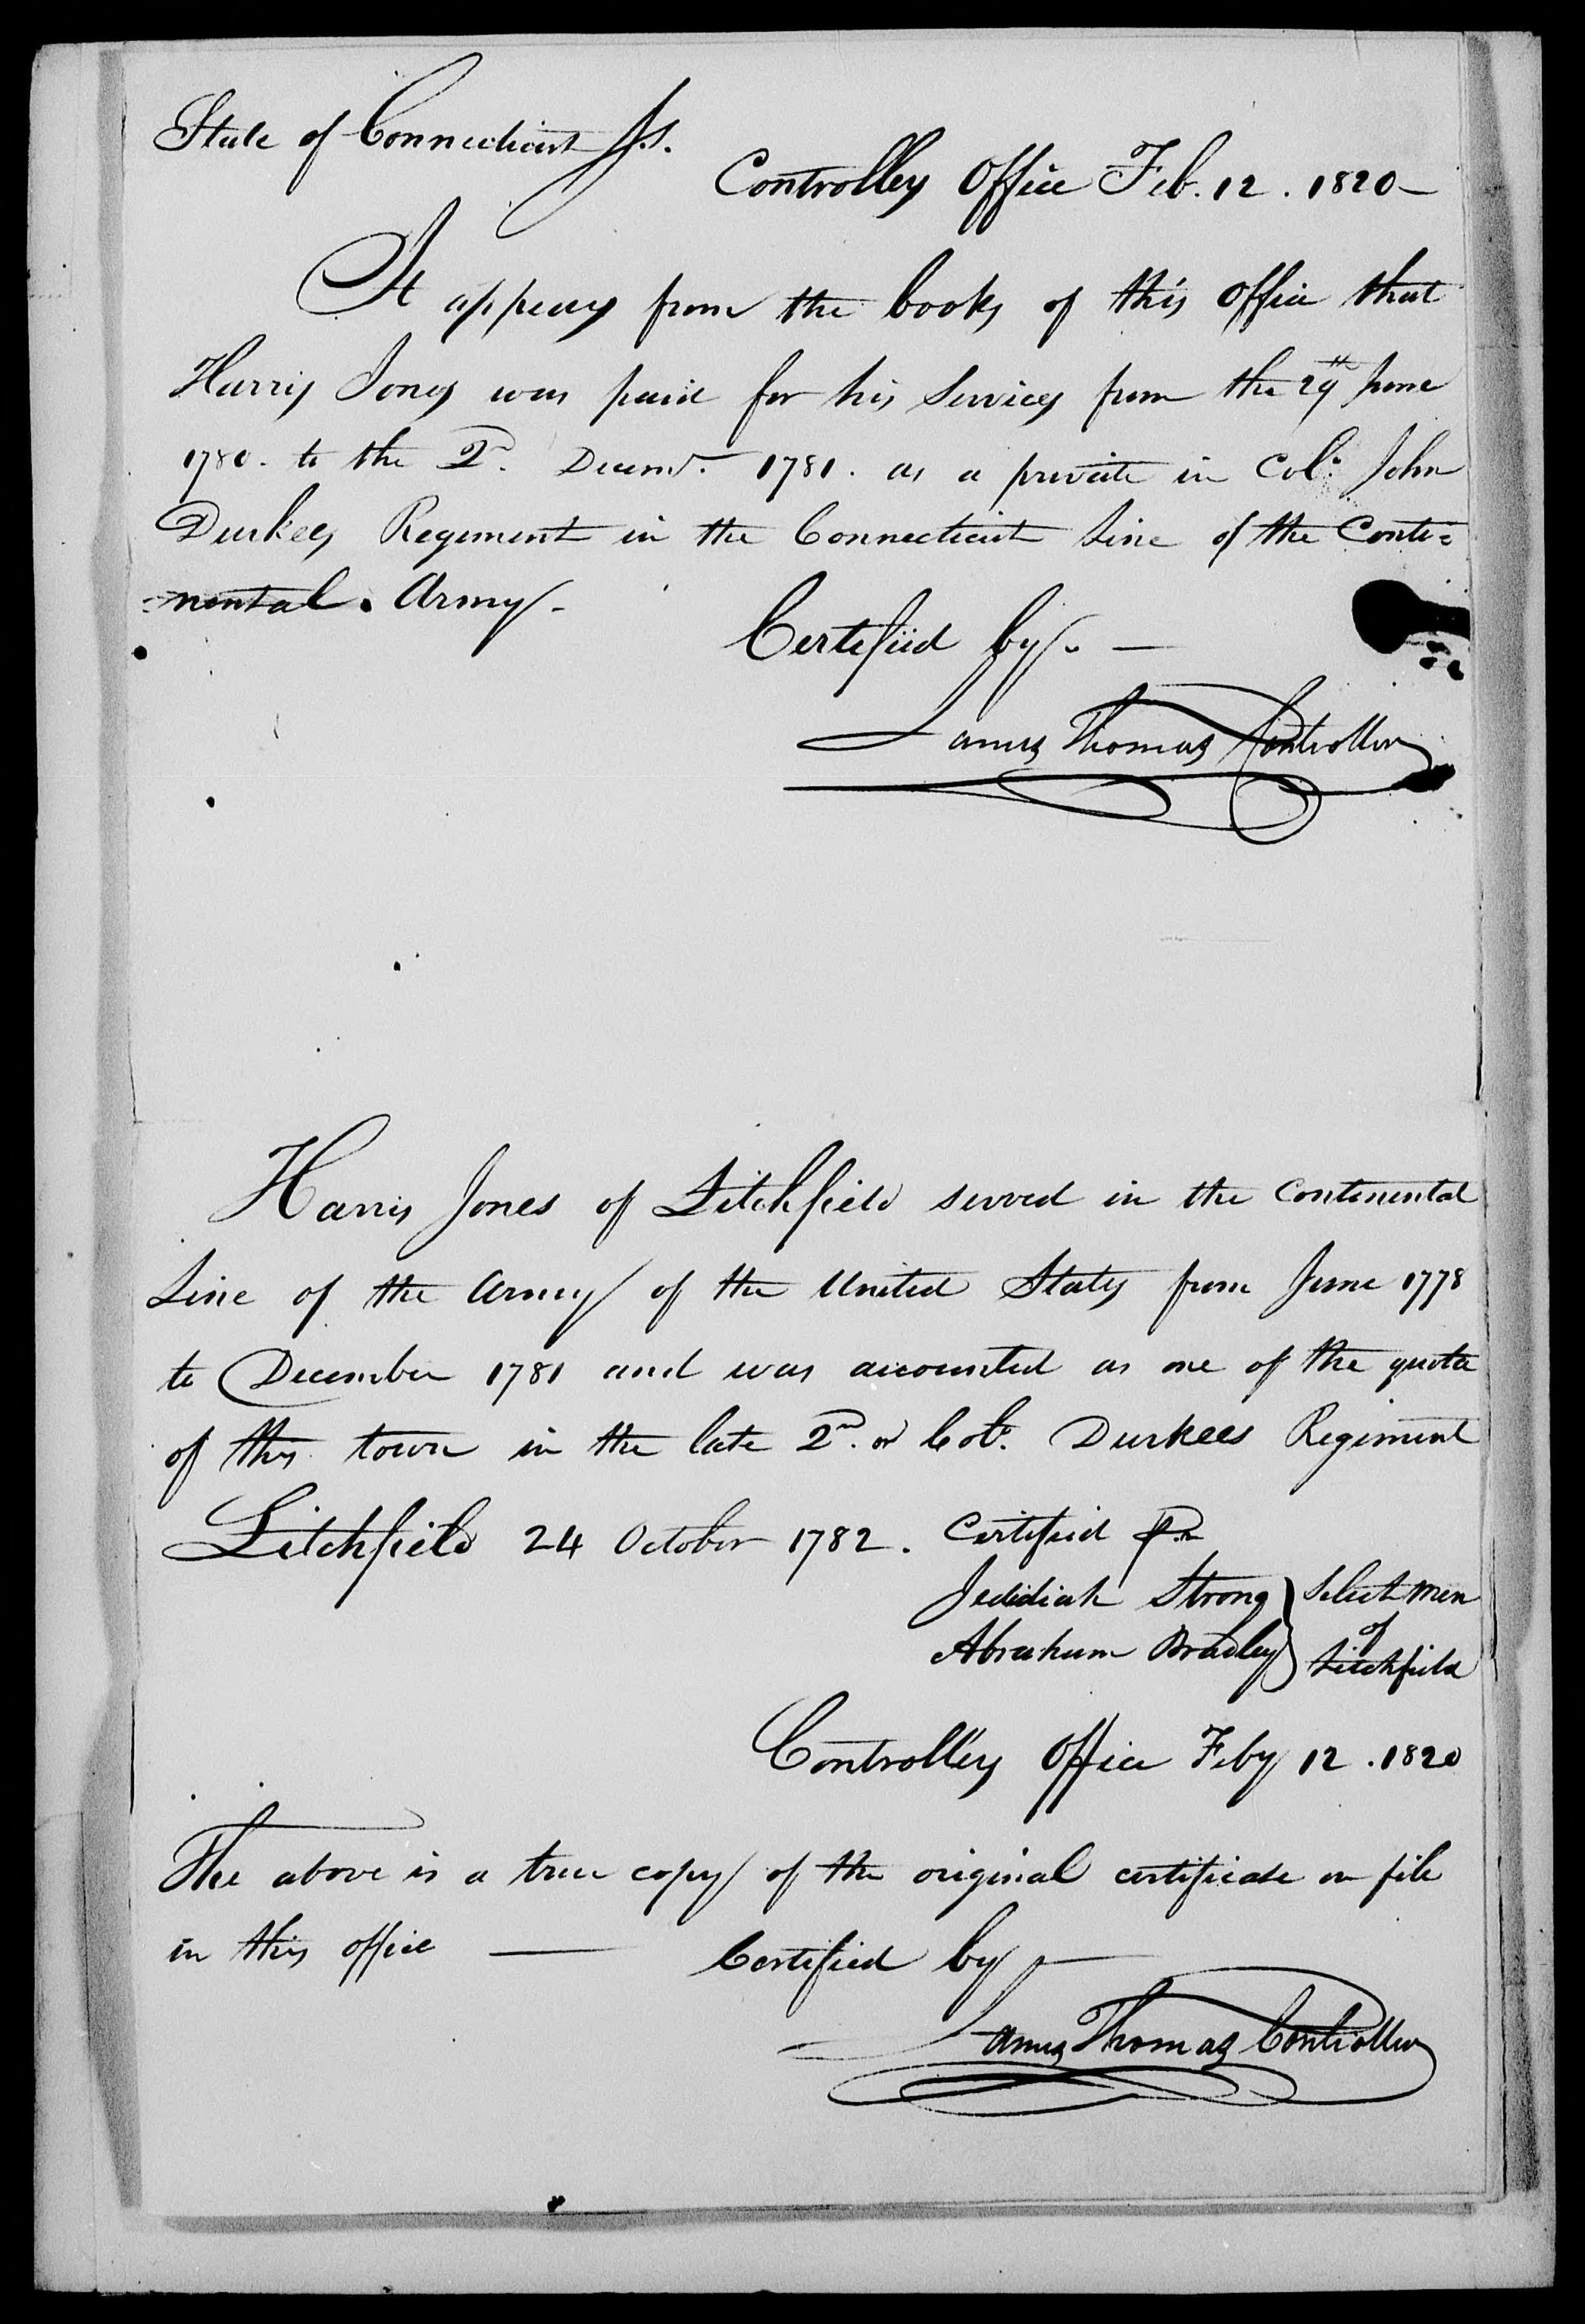State of Connecticut Js.
              Controller Office Feb. 12. 1820-
It appears from the books of this office that Harris Jones was paid for his Service from the 29th June 1780. to the 2d .Decemb. 1781 as a private in Col. John Durkee's Regiment in the Connecticut line of the Continental Army -

                   Certified by
                        James Thomas Controller

Harris Jones of Litchfield served in the Continental Line of the Army of the United States from June 1778 to December 1781 and was accounted as one of the quota of this town in the late 2d in Col. Durkees Regiment.  Litchfield 24 October 1782  

                 Certified JP [?]
                        Jedediah Strong}   Selectmen 
                        Abraham Bradley}         of
                                                  Litchfield

              Controllers Office  Feby 12. 1820

The above is a true copy of the original certificate on file in this office ---- 
               Certified by
                      James Thomas Controller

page: 9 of 11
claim: survivor's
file: S. 36655, for Harris Jones, Connecticut